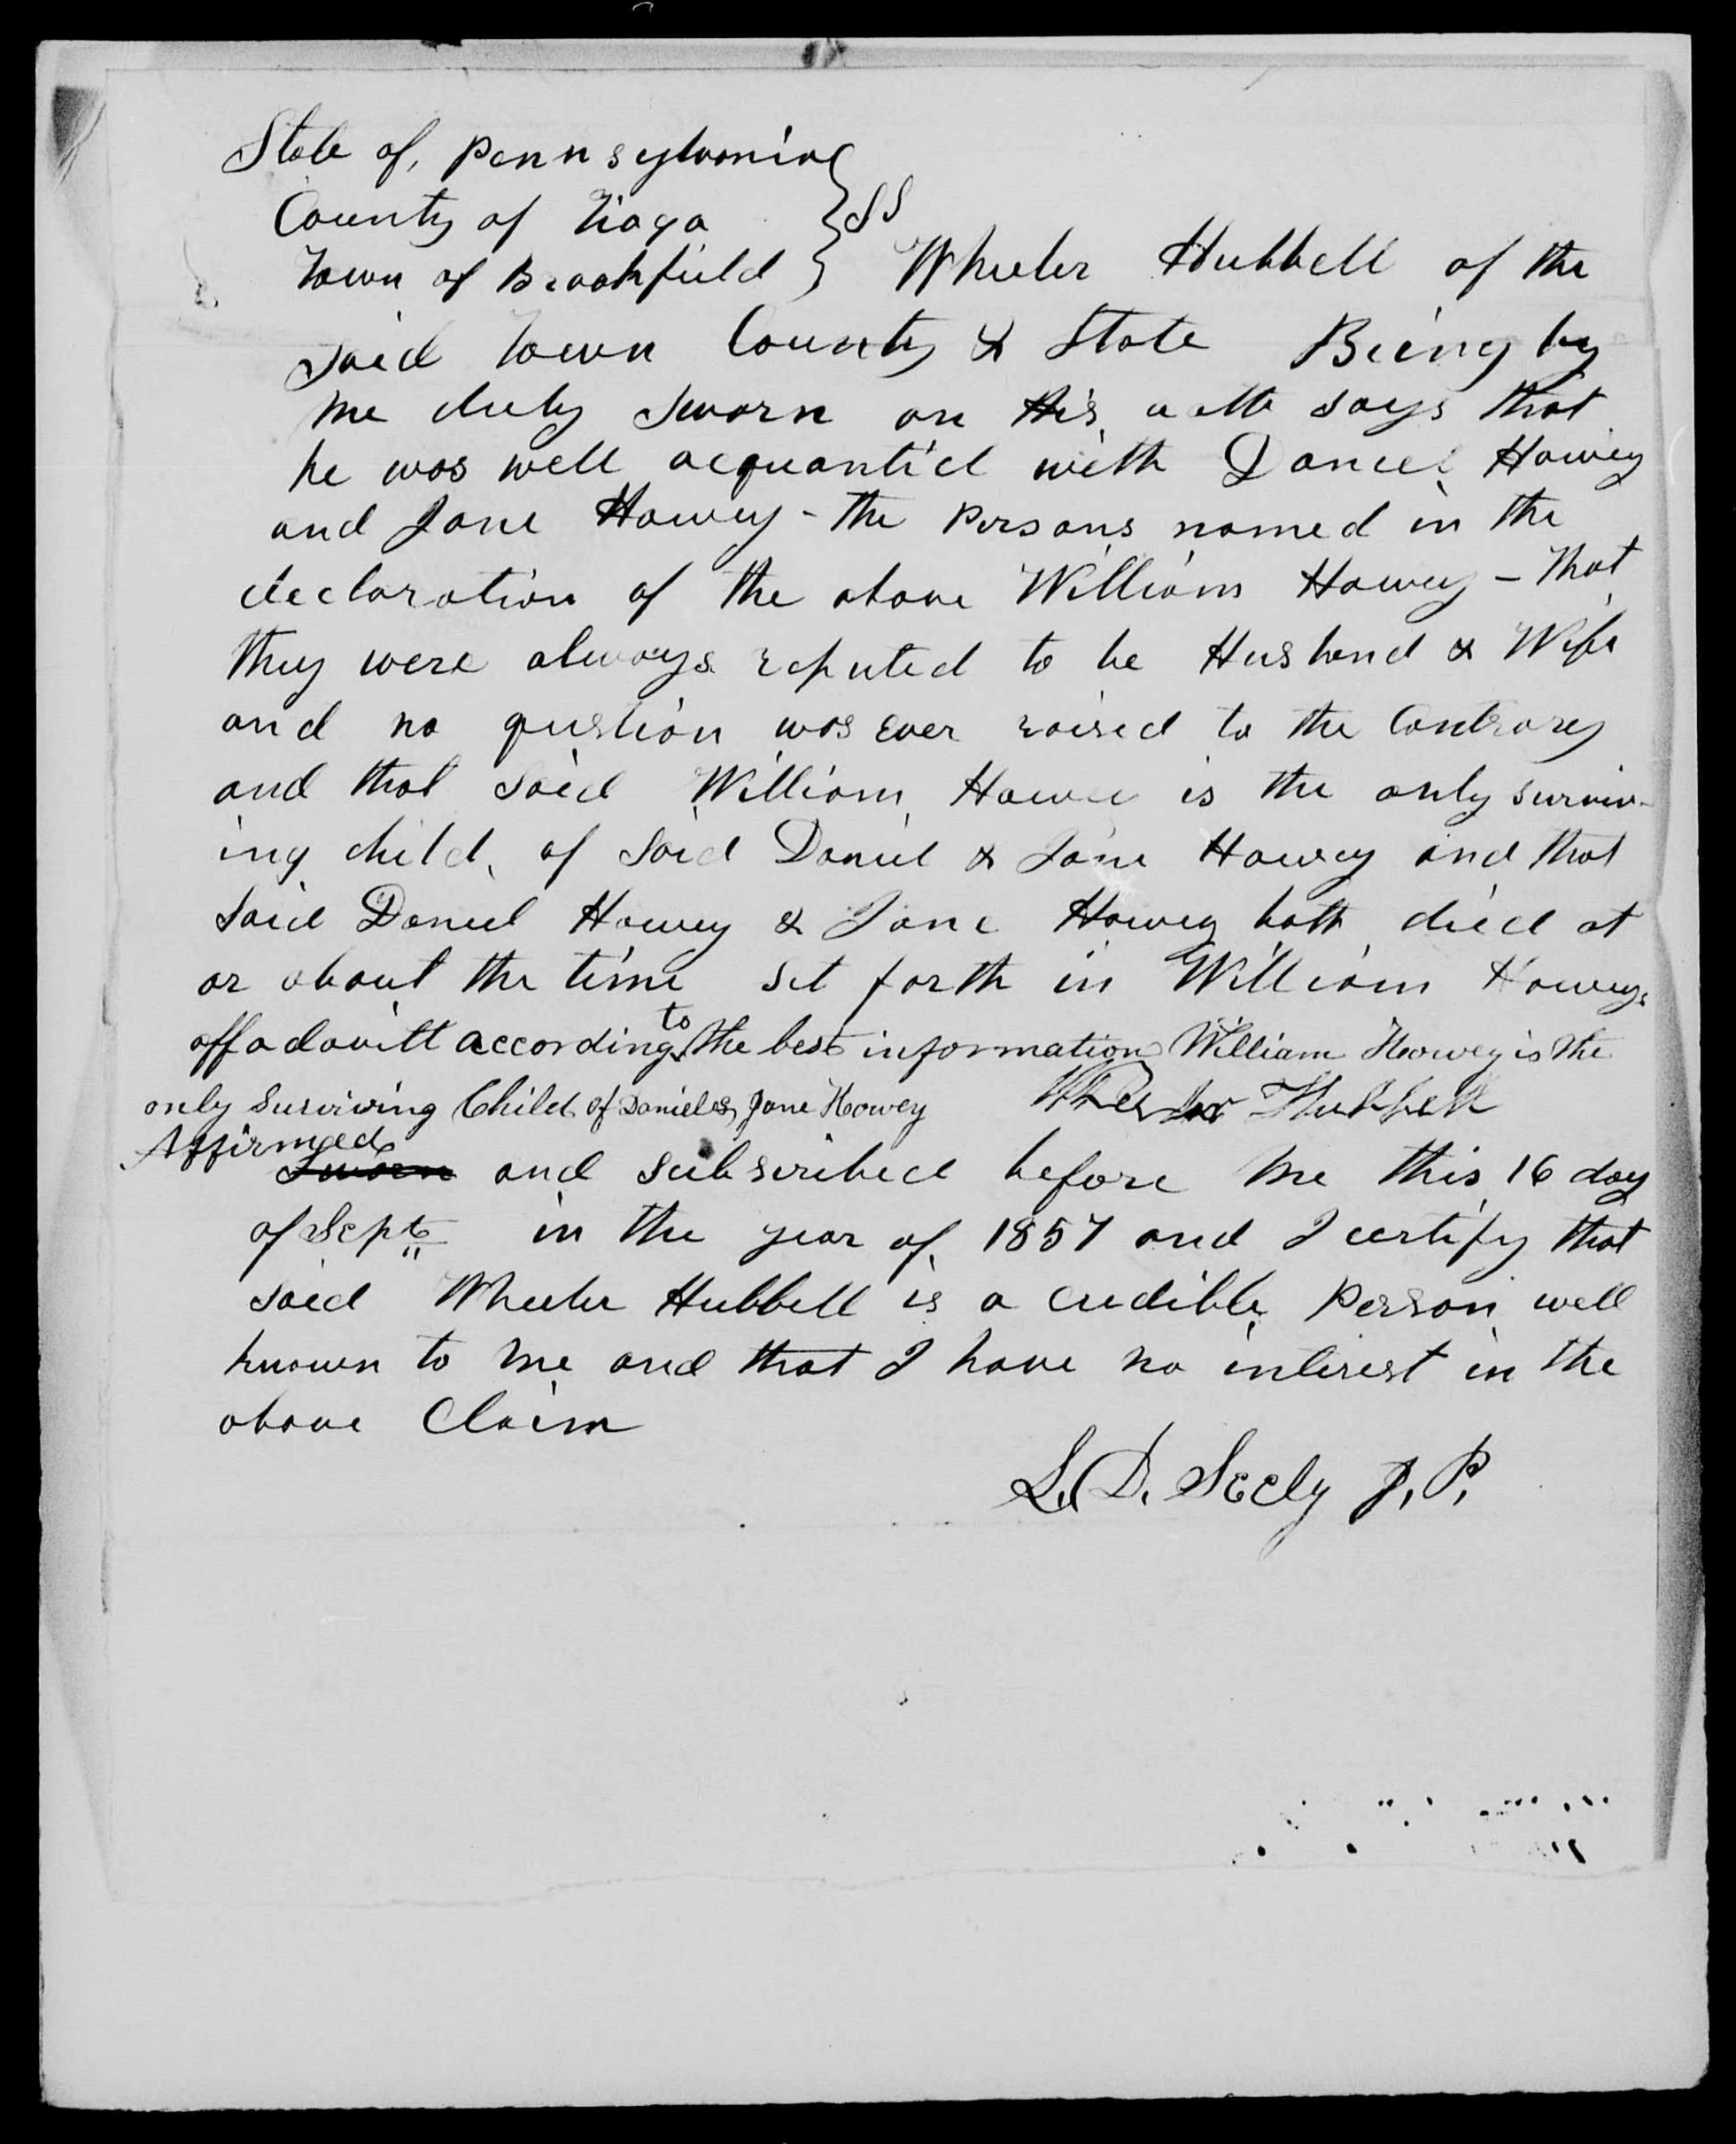State of Pennsylvania }
County of Tioga } ss
Town of Brookfield }

Wheeler Hubbell of the said Town County & State Being by me duly sworn on His oath says that he was well acquantid with Daniel Howey and Jane Howey—the persons named in the declaration of the above William Howey—That they were always reputed to be Husband & Wife and no question was ever raised to the contrary and that said William Howey is the only surviving child of said Daniel & Jane Howey and that said Daniel Howey & Jane Howey both died at or about the time set forth in William Howeys affadavitt according to^ the best information William Howey is the only surviving Child of Daniel and Jane Howey        Wheeler Hubbell [signed]

Affirmed Sworn[crossed out] and subscribed before me this 16 day of Sept in the year of 1857 and I certify that said Wheeler Hubbell is a credible person well known to me and that I have no interest in the above Claim    S.D. Seely J.P. [signed]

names: L D Seely, Jane Hawey, William Hawey, Wheeler Hubbell, Daniel Hawey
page: 4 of 25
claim: rejected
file: R. 5190, Daniel Howey, New Jersey New York